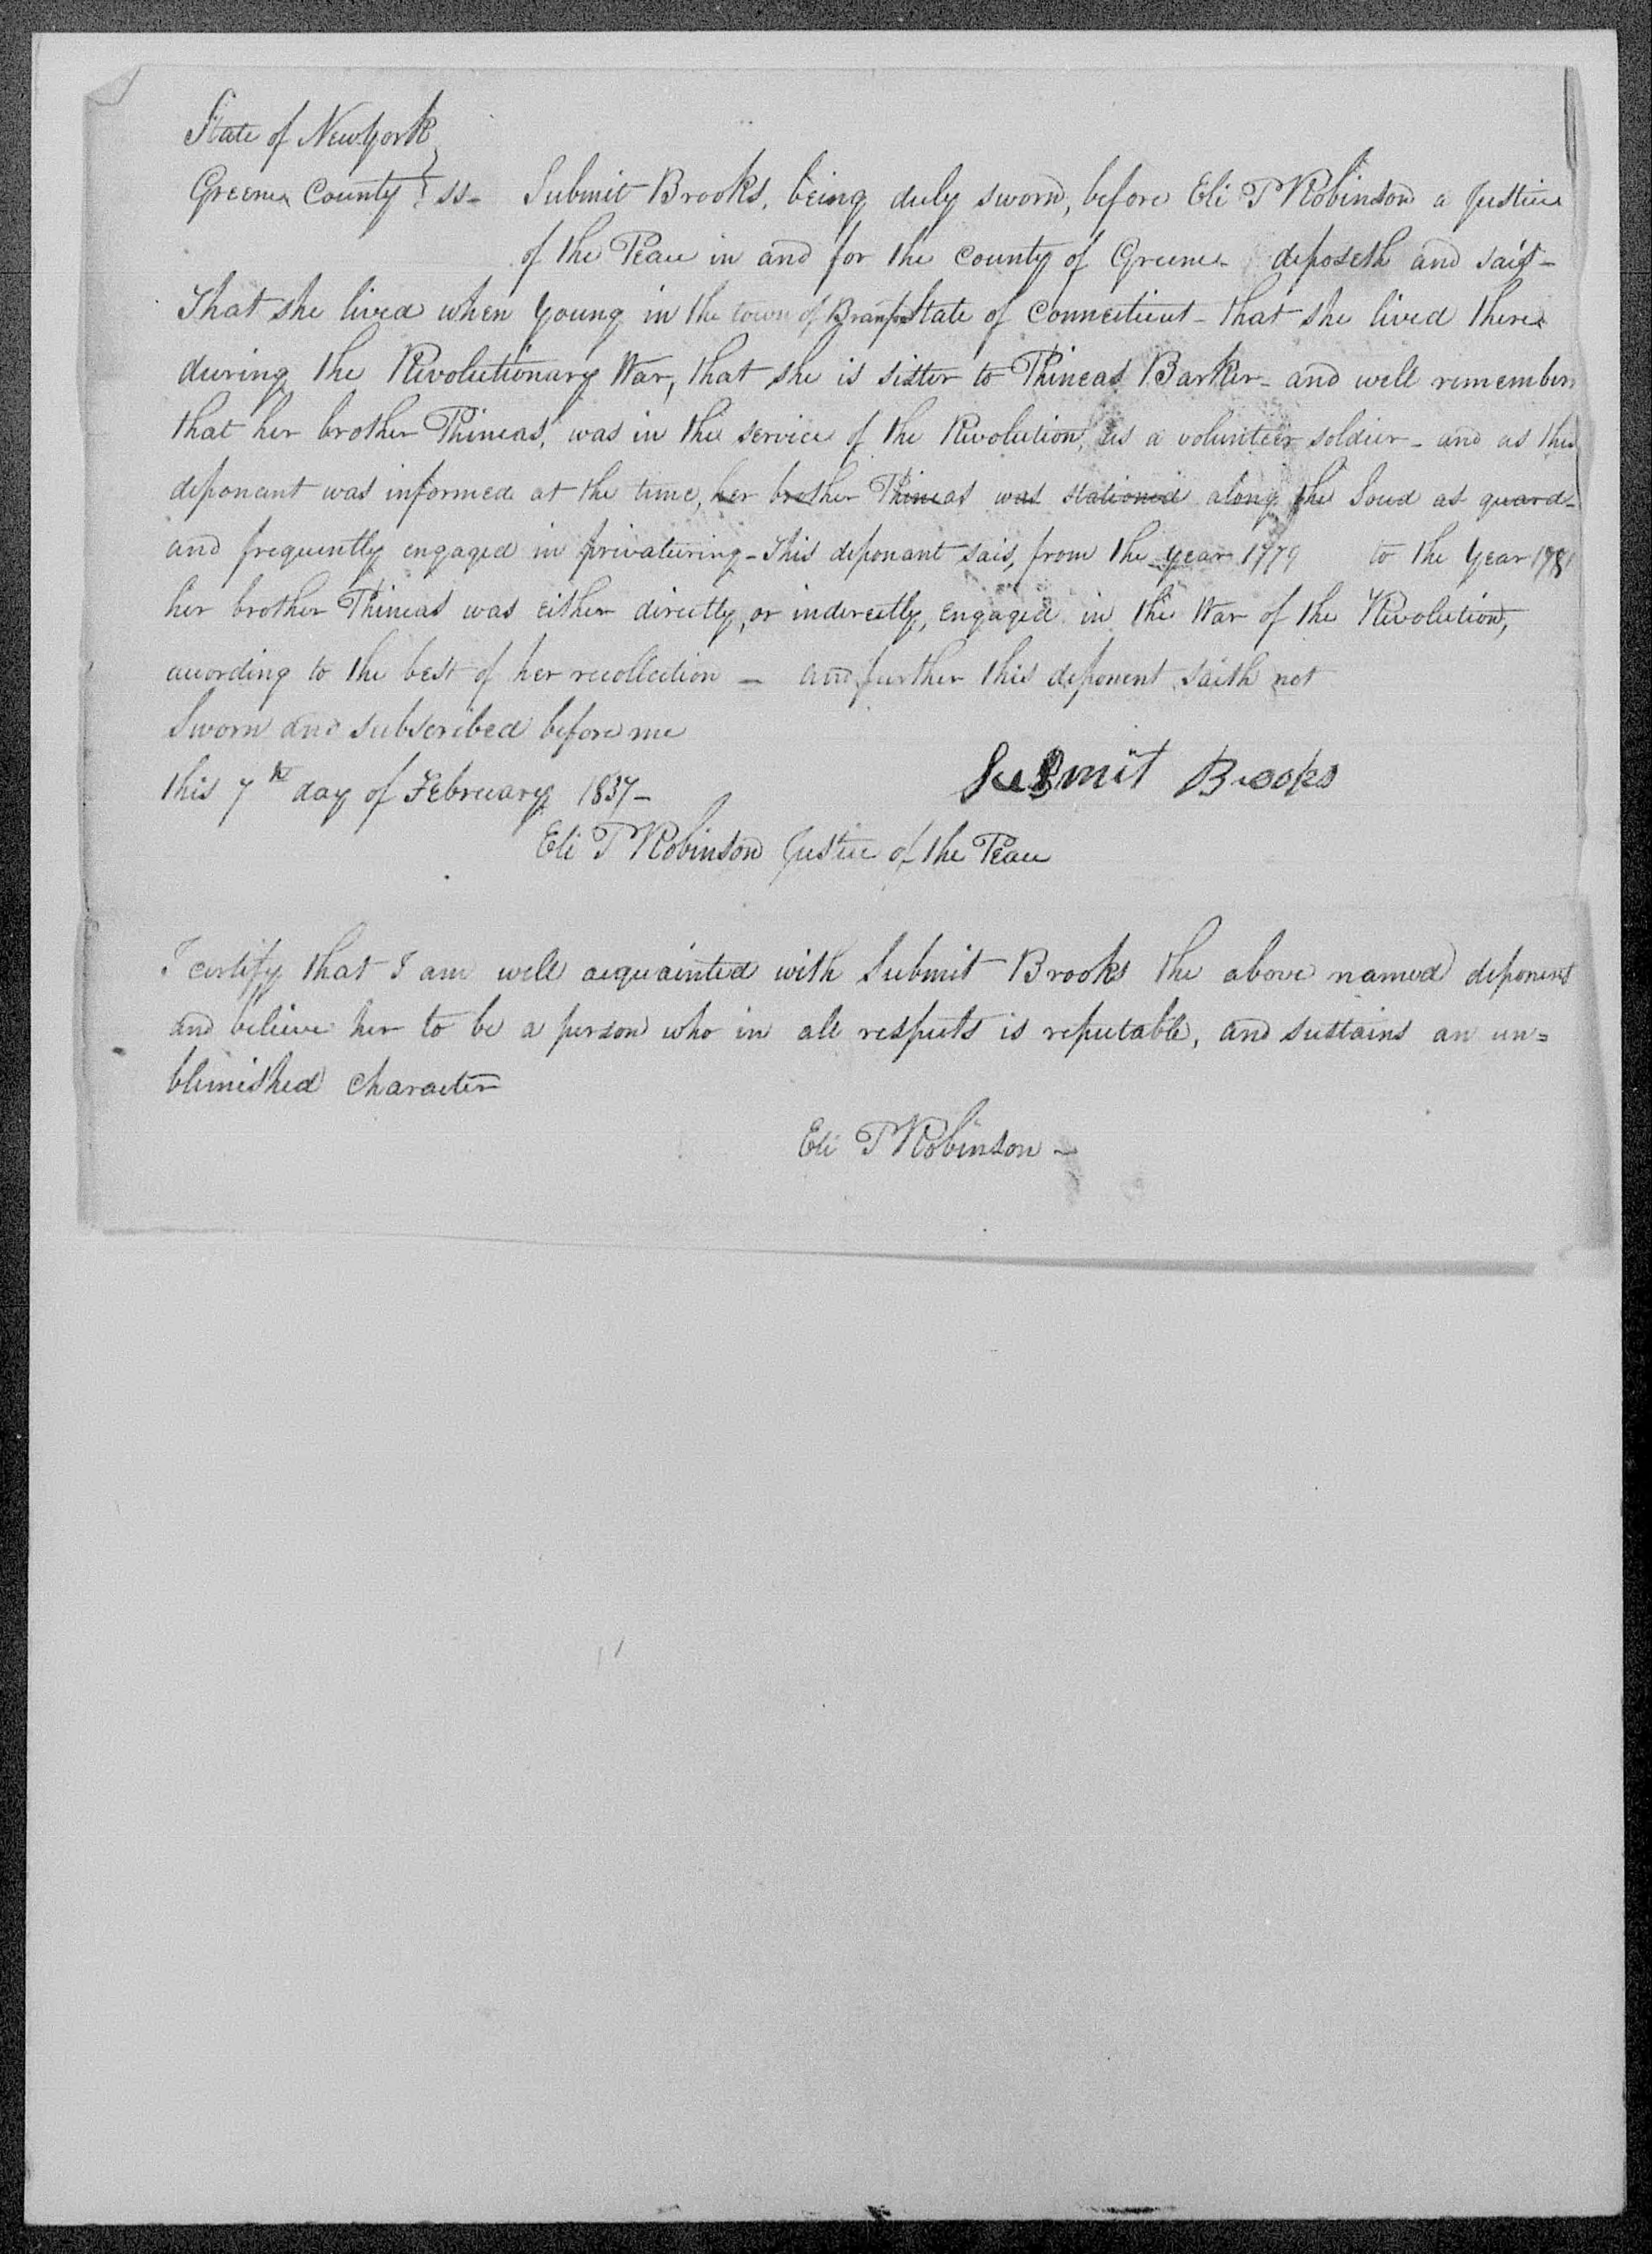State of New York Greene County } ss Submit Brooks, being duly sworn, before Eli P Robinson a Justice of the Peace in and for the County of Greene deposeth and saith That she lived when young in the town of Branford State of Connecticut, that she lived there during the Revolutionary War, that she is sister to Phineas Barker and well remembers that her brother Phineas, was in the service of the Revolution, as a volunteer soldier and as this deponant was informed at the time, her brother Phineas was stationed along the Sound as guard and frequently engaged in privateering.  This deponant said, from the year 1779 to the year 1781 her brother Phineas was either directly, or indirectly, engaged in the War of the Revolution, according to the best of her recollection.  And further this deponent saith not.   
Submit Brooks
Sworn and subscribed before me this 7th day of February 1837- 
Eli Robinson Justice of the Peace 
I certify that I am well acquainted with Submit Brooks the above named deponent and believe her to be a person who in all respects is reputable, and sustains an unblemished character.   
Eli P Robinson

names: Eli P Robinson, Phineas Barker, Submit Brooks, Phineas, Eli P Robinson, Phineas, Phineas, Eli P Robinson, Submit Brooks, Submit Brooks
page: 12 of 35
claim: rejected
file: R. 501, Phineas Barker, Conn. Privateer